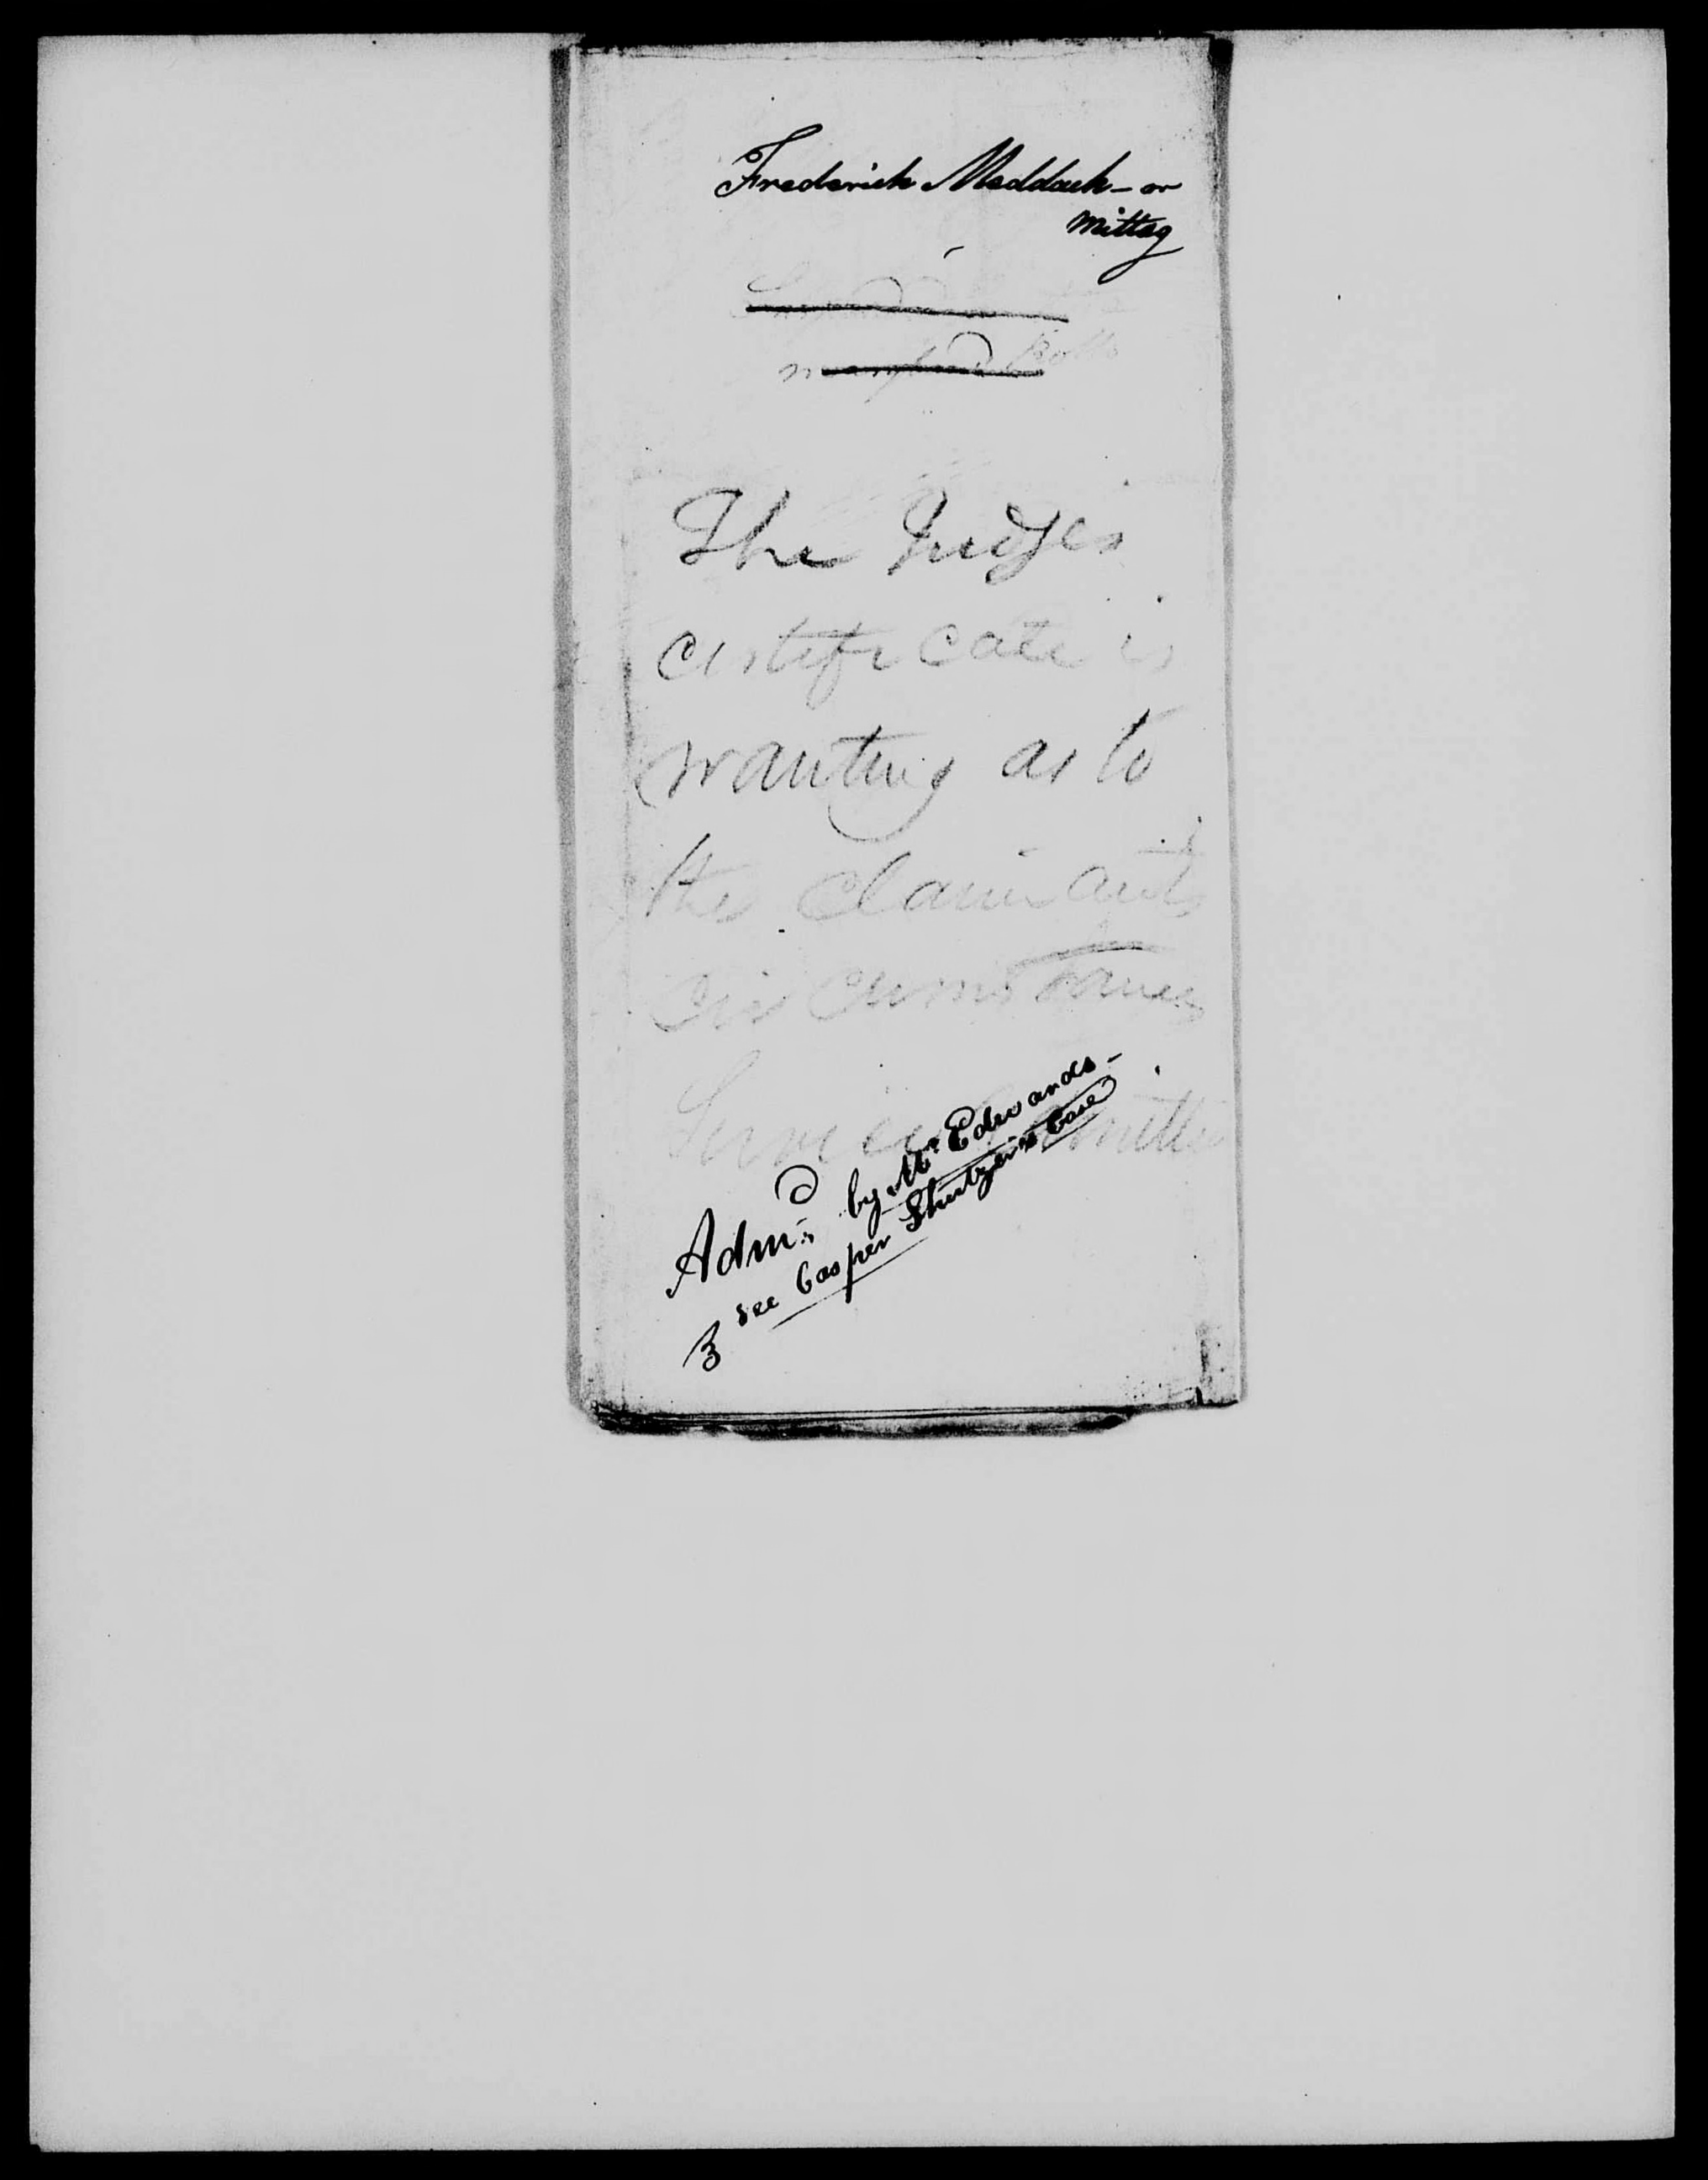Frederick Madddack or Mittag

[illegible cross out]
Maryland [crossed out]

The Judges
certificate is
wanting as to
the claimants
circumstances
[illegible writeover]

Adm by M Edwards _
& see Casper Shutzer's Case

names: Frederick Meddack; Casper Shutzer; Frederick Mittag; [BLANK] Edwards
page: 3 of 13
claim: survivor's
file: S. 34999, for Frederick Mittag, Maryland